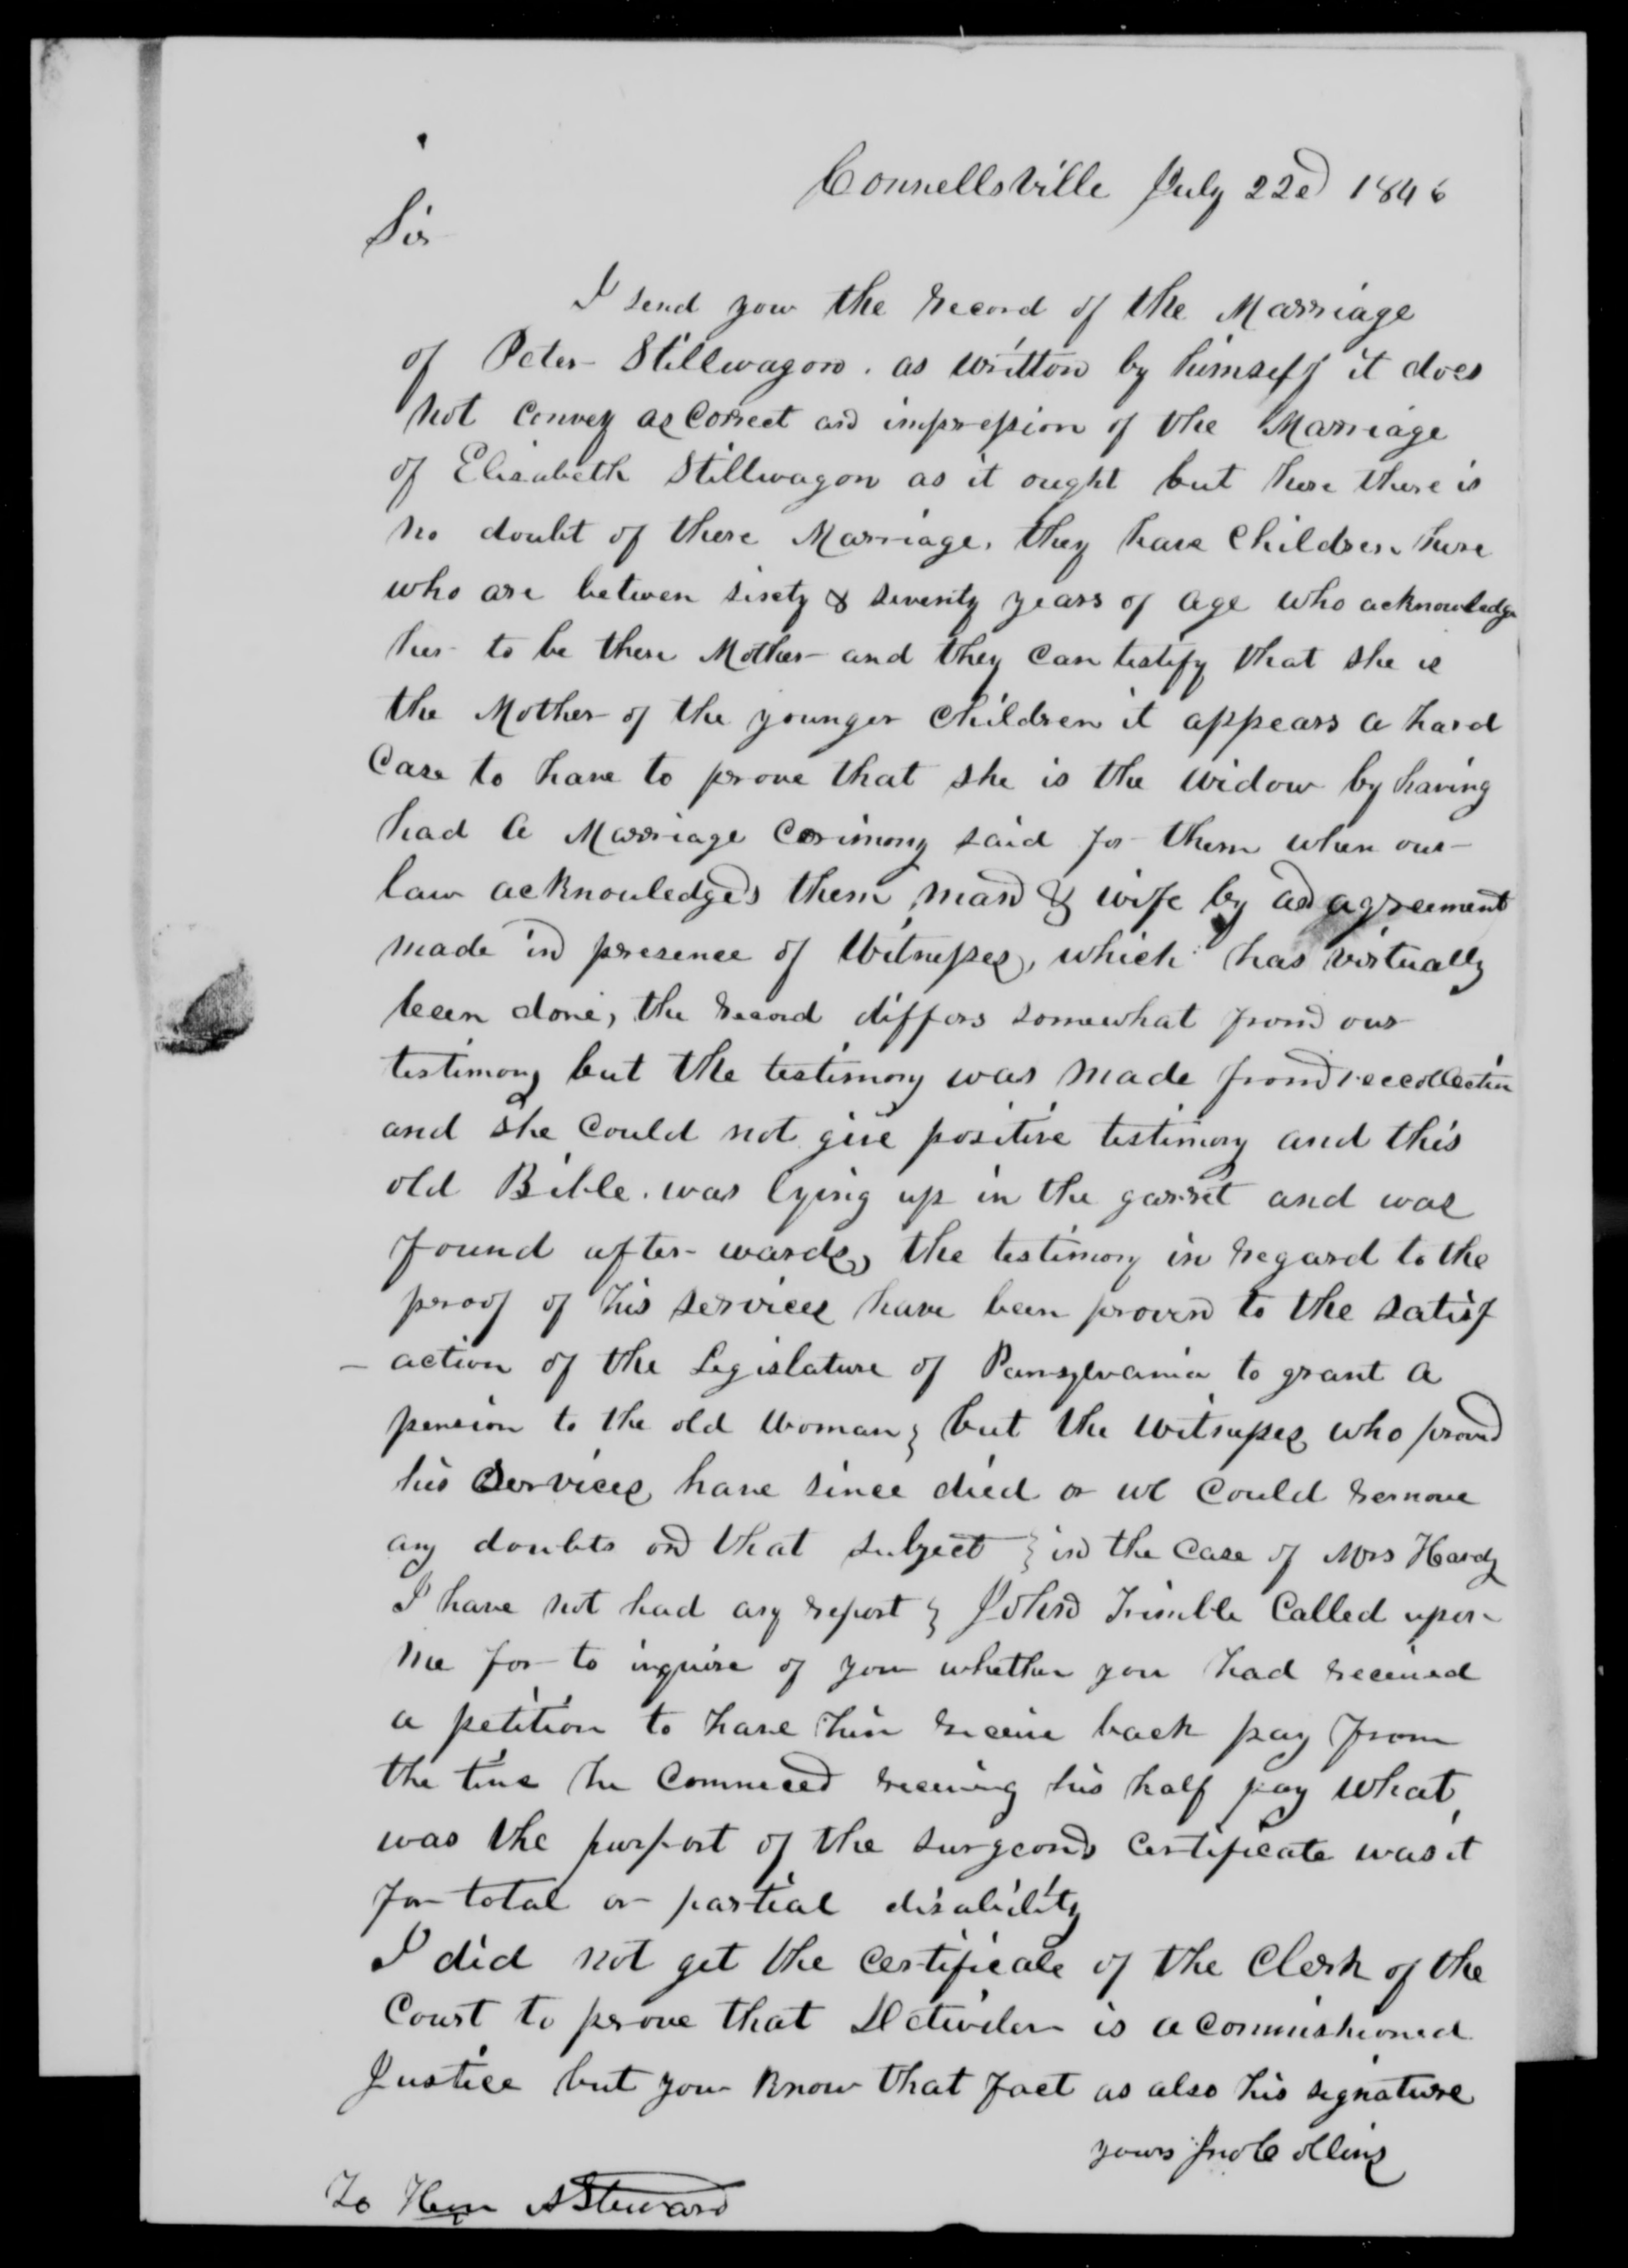Connellsville July 22d 1846

Sir

I sent you the record of the Marriage of Peter Stillwagon as written by himself it does not convey as correct and impression of the marriage of Elisabeth Stillwagon as it ought to but here there is no doubt of there [sic] Marriage. they have children here who are between sixty and seventy years of age who acknowledge her to be there [sic] mother and they can testify that she is the mother of the younger children it appears a hard case to have to prove that she is the widow by having had a Marriage ceremony said for them when our law acknowledged them as man & wife by an agreement made in presence of witnesses, which has virtually been done, the record differs somewhat from our testimony but the testimony was made from recollection and she could not give positive testimony and this old Bible was lying up in the garret and was found after wards, the testimony in regard to the proof of his service have been proven to the satisfaction of the Legislature of Pennsylvania to grant a pension to the old woman, but the witnesses who proved his service have since died or we could remove any doubts on that subject (in the case of Mrs Hardy I have not had any report) John Trimble called upon me for to inquire of you whether you had received a petition to have him receive back pay from the time he commenced receiving his half pay what was the purport of the surgeon’s certificate was it for total or partial disability. I did not get the certificate of the clerk of the court to prove that Detwiler is a commissioned justice but you know that fact as also his signature.
Yours Jno Collins

To [illegible] A Steward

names: Jno Collins; Peter Stillwagon; John Trimble; [BLANK] Hardy; A Steward; Elisabeth Stillwagon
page: 51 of 73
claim: widow's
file: W. 3197, for Peter Stillwagon, New Jersey